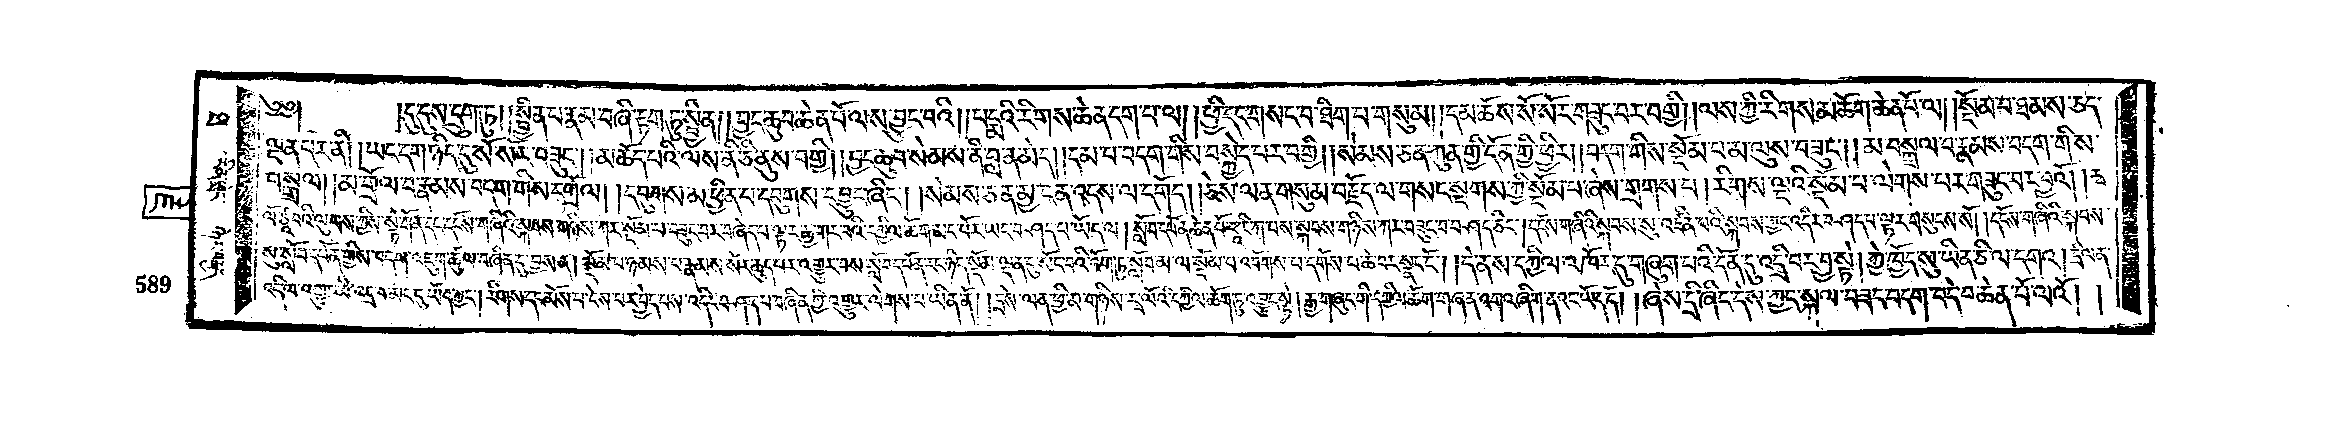༄༅། །དུ་དུས་དྲུག་ཏུ། །སྦྱིན་པ་རྣམ་བཞི་རྟག་ཏུ་སྦྱིན། །བྱང་ཆུབ་ཆེན་པོ་ལས་བྱུང་བའི། །པདམའི་རིགས་ཆེན་དག་པ་ལ། །ཕྱི་དང་གསང་བ་ཐེག་པ་གསུམ། །དམ་ཆོས་སོ་སོར་གཟུང་བར་བགྱི། །ལས་ཀྱི་རིགས་མཆོག་ཆེན་པོ་ལ། །སྡོམ་པ་ཐམས་ཅད་
ལྡན་པར་ནི། །ཡང་དག་ཉིད་དུ་སོ་སོར་བཟུང་། །མཆོད་པའི་ལས་ནི་ཅི་ནུས་བགྱི། །བྱང་ཆུབ་སེམས་ནི་བླ་ན་མེད། །དམ་པ་བདག་གིས་བསྐྱེད་པར་བགྱི། །སེམས་ཅད་ཀུན་གྱི་དོན་གྱི་ཕྱིར། །བདག་གིས་སྡོམ་པ་མ་ལུས་བཟུང་། །མ་བསྒྲལ་བ་རྣམས་བདག་གིས་
བསྒྲལ། །མ་གྲོལ་བ་རྣམས་བདག་གིས་དགྲོལ། །དབུགས་མ་ཕྱིན་པ་དབུགས་དབྱུང་ཞིང་། །སེམས་ཅན་མྱ་ངན་འདས་ལ་དགོད། །ཅེས་ལན་གསུམ་བརྗོད་ལ་གསང་སྔགས་ཀྱི་སྡོམ་པ་ཞེས་གྲགས་པ། རིགས་ལྔའི་སྡོམ་པ་ལེགས་པར་གཟུང་བར་བྱའོ། །རྭ་
ལོ་ཙཱ་བའི་ལུགས་ཀྱིས་སྟ་གོན་དང་དངོས་གཞིའི་སྐབས་གཉིས་ཀར་སྡོམ་པ་བཟུང་བར་བཞེད་པ་ལྟར་རྒྱ་གར་བའི་དཀྱིལ་ཆོག་མང་པོར་ཡང་བཤད་པ་ཡོད་ལ། སློབ་དཔོན་ཆེན་པོ་དཱ་རི་ཀ་པས་སྐབས་གཉིས་ཀར་བཟུང་བ་བཤད་ཅིང་། དངོས་གཞིའི་སྐབས་སུ་འཛིན་པའི་སྐབས་ཀྱང་འདིར་བཤད་པ་ལྟར་གསུངས་སོ། །དངོས་གཞིའི་སྐབས་
སུ་སློབ་དཔོན་གྱིས་བདག་འཇུག་ཚུལ་བཞིན་དུ་བྱས་ན། སྡོམ་པ་ཉམས་པ་རྣམས་སོར་ཆུད་པར་འགྱུར་བས་སློབ་དཔོན་རང་ཉིད་སྡོམ་ལྡན་དུ་སོང་བའི་འོག་ཏུ་སློབ་མ་ལ་སྡོམ་པ་འབོགས་པ་དགོས་པ་ཆེ་བར་སྣང་ངོ། །དེ་ནས་དཀྱིལ་འཁོར་དུ་གཞུག་པའི་དོན་དུ་འདྲི་བར་བྱ་སྟེ། ཀྱེ་ཁྱོད་སུ་ཡིན་ཅི་ལ་དགའ། དྲི་ལན་
འདི་ལ་འགྱུར་མི་འདྲ་བ་མང་དུ་ཡོད་ཀྱང་། རིགས་དང་མོས་པ་ངེས་པར་བྱེད་པས་འདིར་བཤད་པ་བཞིན་གྱི་འགྱུར་ལེགས་པ་ཡིན་ནོ། །དྲིས་ལན་ཕྱི་མ་གཉིས་རྭ་ལོའི་དཀྱིལ་ཆོག་ཏུ་འབྱུང་སྟེ། རྒྱ་གཞུང་གི་དཀྱིལ་ཆོག་གཞན་འགའ་ཞིག་ནའང་ཡོད་དོ། །ཞེས་དྲི་ཞིང་དེས་ཀྱང་སྐལ་བཟང་བདག་བདེ་བ་ཆེན་པོ་ལའོ། །